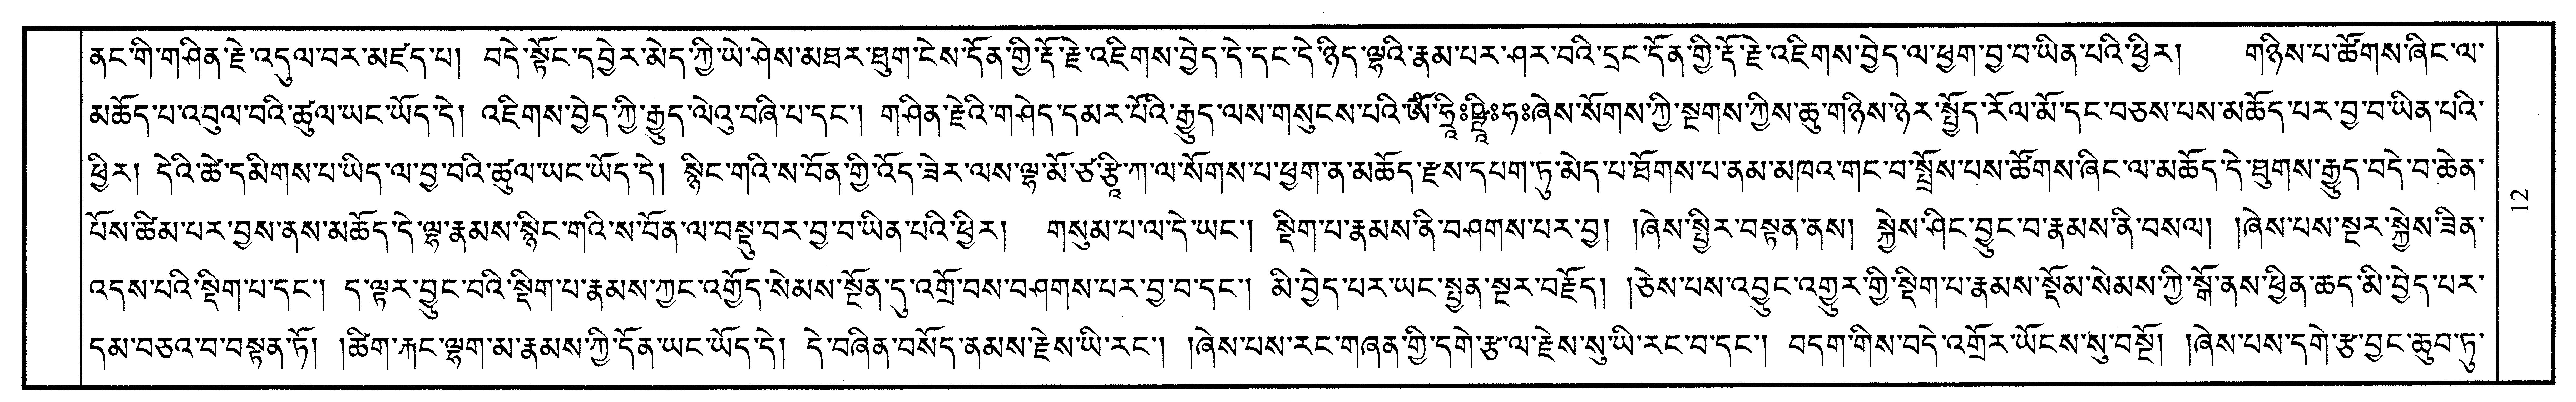ནང་གི་གཤིན་རྗེ་འདུལ་བར་མཛད་པ། བདེ་སྟོང་དབྱེར་མེད་ཀྱི་ཡེ་ཤེས་མཐར་ཐུག་ངེས་དོན་གྱི་རྡོ་རྗེ་འཇིགས་བྱེད་དེ་དང་དེ་ཉིད་ལྷའི་རྣམ་པར་ཤར་བའི་དྲང་དོན་གྱི་རྡོ་རྗེ་འཇིགས་བྱེད་ལ་ཕྱག་བྱ་བ་ཡིན་པའི་ཕྱིར། གཉིས་པ་ཚོགས་ཞིང་ལ་
མཆོད་པ་འབུལ་བའི་ཚུལ་ཡང་ཡོད་དེ། འཇིགས་བྱེད་ཀྱི་རྒྱུད་ལེའུ་བཞི་པ་དང་། གཤིན་རྗེའི་གཤེད་དམར་པོའི་རྒྱུད་ལས་གསུངས་པའི་ཨོཾ་ཧྲཱིཿ ཥྚྲཱིཿ ཧཿ ཞེས་སོགས་ཀྱི་སྔགས་ཀྱིས་ཆུ་གཉིས་ཉེར་སྤྱོད་རོལ་མོ་དང་བཅས་པས་མཆོད་པར་བྱ་བ་ཡིན་པའི་
ཕྱིར། དེའི་ཚེ་དམིགས་པ་ཡིད་ལ་བྱ་བའི་ཚུལ་ཡང་ཡོད་དེ། སྙིང་གའི་ས་བོན་གྱི་འོད་ཟེར་ལས་ལྷ་མོ་ཙ་རྩཱི་ཀ་ལ་སོགས་པ་ཕྱག་ན་མཆོད་རྫས་དཔག་ཏུ་མེད་པ་ཐོགས་པ་ནམ་མཁའ་གང་བ་སྤྲོས་པས་ཚོགས་ཞིང་ལ་མཆོད་དེ་ཐུགས་རྒྱུད་བདེ་བ་ཆེན་
པོས་ཚིམ་པར་བྱས་ནས་མཆོད་དེ་ལྷ་རྣམས་སྙིང་གའི་ས་བོན་ལ་བསྡུ་བར་བྱ་བ་ཡིན་པའི་ཕྱིར། གསུམ་པ་ལ་དེ་ཡང་། སྡིག་པ་རྣམས་ནི་བཤགས་པར་བྱ། །ཞེས་སྤྱིར་བསྟན་ནས། སྐྱེས་ཤིང་བྱུང་བ་རྣམས་ནི་བསལ། །ཞེས་པས་སྔར་སྐྱེས་ཟིན་
འདས་པའི་སྡིག་པ་དང་། ད་ལྟར་བྱུང་བའི་སྡིག་པ་རྣམས་ཀྱང་འགྱོད་སེམས་སྔོན་དུ་འགྲོ་བས་བཤགས་པར་བྱ་བ་དང་། མི་བྱེད་པར་ཡང་སྤྱན་སྔར་བརྗོད། །ཅེས་པས་འབྱུང་འགྱུར་གྱི་སྡིག་པ་རྣམས་སྡོམ་སེམས་ཀྱི་སྒོ་ནས་ཕྱིན་ཆད་མི་བྱེད་པར་
དམ་བཅའ་བ་བསྟན་ཏོ། །ཚིག་རྐང་ལྷག་མ་རྣམས་ཀྱི་དོན་ཡང་ཡོད་དེ། དེ་བཞིན་བསོད་ནམས་རྗེས་ཡི་རང་། །ཞེས་པས་རང་གཞན་གྱི་དགེ་རྩ་ལ་རྗེས་སུ་ཡི་རང་བ་དང་། བདག་གིས་བདེ་འགྲོར་ཡོངས་སུ་བསྔོ། །ཞེས་པས་དགེ་རྩ་བྱང་ཆུབ་ཏུ་